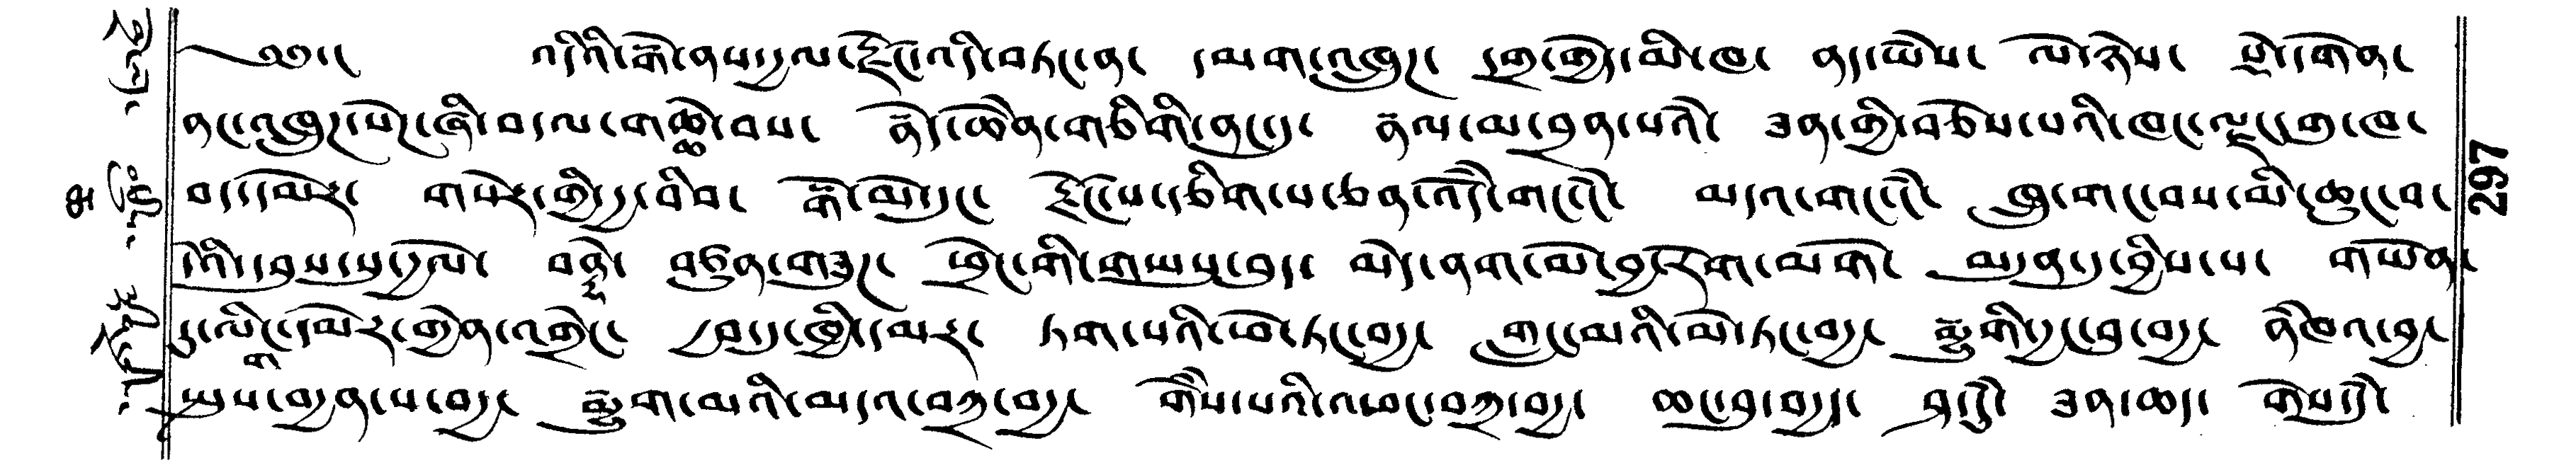འདིའི་སྒོ་ནས་རྒྱལ་རྫོང་འདི་བཏང་ན། དམག་འཁྲུགས། དགྲ་གྱོད་མི་ཁ། ནད་ཡམས། ལོ་ཉེས། སྡེ་དགོན་
ནང་འཁྲུགས་སོགས་ཞི་བ་ལ་གལ་ཆེ་བས། སྣོད་ཆེན་པོ་གཅིག་གི་ནང་དུ། སྣལ་མ་བྲན་པའམ། ཟན་གྱིས་བཅོས་པའི་ཁང་བཟང་ལྗང་གུ་ཁ་
བད་དམར་པོ། གསེར་གྱི་རྒྱ་ཕིབས། སྒོ་མོ་དུང་། རྫོངས་ཡས་རྩིགས་པ་ཅན་འདོམ་གང་ངམ། མདའ་གང་ངམ། ཁྲུ་གང་བས་མི་ཆུང་བ་
དེའི་དབུས་སུ་རྒྱལ་པོ་བནྡྷེ་བཙུན་གཟུགས། ཕོ་བྲང་གི་གཡས་སུ་བུད་མེད་ནག་མོ་བྱ་རོག་མགོ མདུན་དུ་བྱིས་པ། གཡོན་
དུ་ལིངྒ་དམར་པོ་གྱེན་འགྲེང་། རྒྱབ་དུ་ཁྱི་དམར། སྟག་པའི་ཕོ་ཏང་བརྒྱ། གླང་མའི་མོ་ཏང་བརྒྱ། སྨྱུག་གི་རྒྱང་བུ་བརྒྱ། ནམ་མཁའ་བྱ་
སྤུས་བརྒྱན་པ་བརྒྱ།སྨྱུག་མའི་མདའ་བཀྲ་བརྒྱ། གསོམས་པའི་འཕང་བཀྲ་བརྒྱ། ཆང་བུ་བརྒྱ། ཤ་དུམ། ཟན་ཆད། གོས་དུམ།